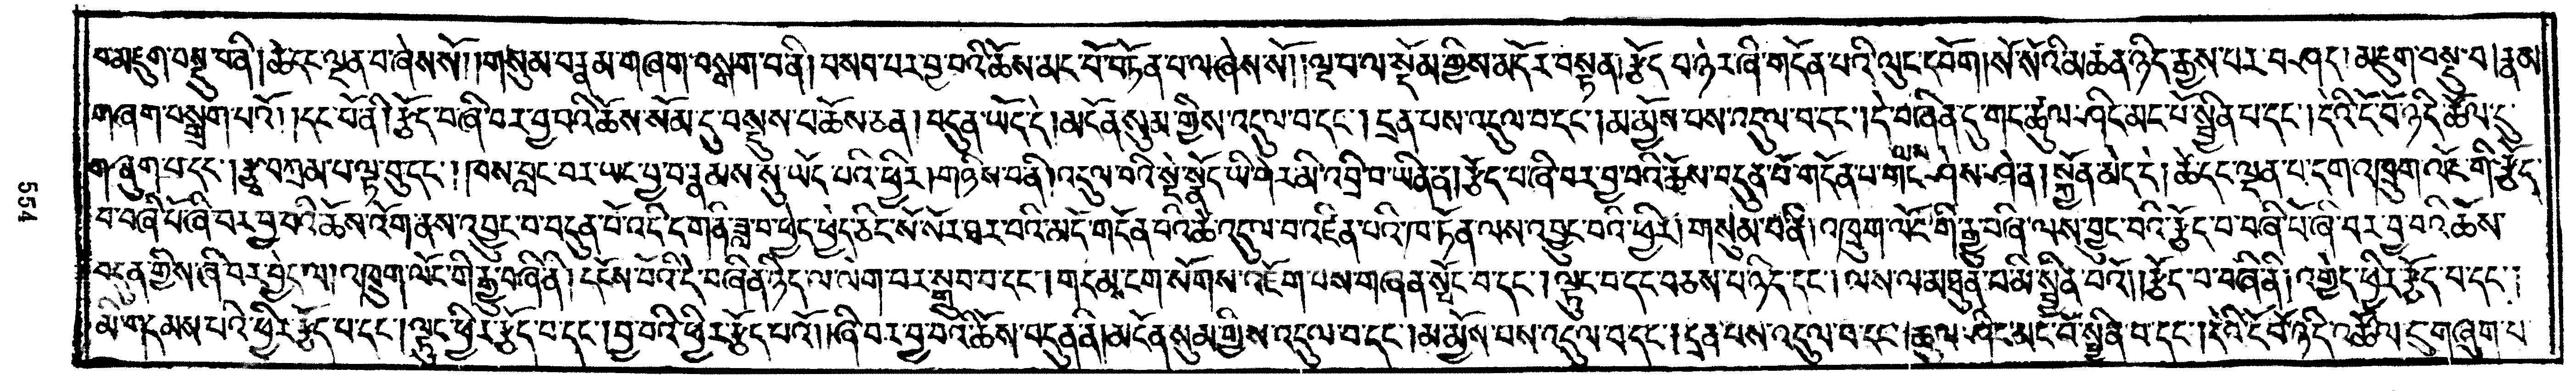བ་མཇུག་བསྡུ་བ་ནི། ཚེ་དང་ལྡན་པ་ཞེས་སོ། །གསུམ་པ་རྣམ་གཞག་བསྒག་བ་ནི། བསབ་པར་བྱ་བའི་ཆོས་མང་པོ་བཏོན་པ་ལ་ཞེས་སོ། །ལྔ་བ་ལ་སྡོམ་གྱིས་མདོར་བསྟན། རྩོད་པ་ཉེར་ཞི་གདོན་པའི་ལུང་དབོག། སོ་སོའི་མཚན་ཉིད་རྒྱས་པར་བཤད། མཇུག་བསྡུ་བ། རྣམ་
གཞག་བསྒྲག་པའོ། །དང་པོ་ནི། རྩོད་བ་ཞི་བར་བྱ་བའི་ཆོས་སོམ་དུ་བསྡུས་པ་ཆོས་ཅན། བདུན་ཡོད་དེ། མངོན་སུམ་གྱིས་འདུལ་བ་དང་། དྲན་པས་འདུལ་བ་དང་། མ་མྱོས་པས་འདུལ་བ་དང་། དེ་བཞིན་དུ་གང་ཚུལ་ཤིང་མང་པོ་སྦྱིན་པ་དང་། དེའི་ངོ་བོ་ཉིད་ཚོལ་དུ་
གཞུག་པ་དང་། རྩྭ་བཀྲམ་པ་ལྟ་བུ་དང་། ཁས་བླང་བར་ཡང་བྱ་བ་རྣམས་སུ་ཡོད་པའི་ཕྱིར། གཉིས་པ་ནི། འདུལ་བའི་སྡེ་སྣོད་ཡི་གེར་མི་འབྲི་བ་ཡིན་ན། རྩོད་པ་ཞི་བར་བྱ་བའི་ཆོས་བདུན་པོ་གདོན་པ་གང་ལས་ཤེས་ཤེ་ན། སྐྱོན་མེད་དེ། ཚེ་དང་ལྡན་པ་དག་འཁྲུག་ལོང་གི་རྩོད་
བ་བཞི་པོ་ཞི་བར་བྱ་བའི་ཆོས་འོག་ནས་འབྱུང་བ་བདུན་པོ་འདི་དག་ནི་ཟླ་བ་ཕྱེད་ཕྱེད་ཅིང་སོ་སོར་ཐར་པའི་མདོ་གདོན་པའི་ཚེ་འདུལ་བ་འཛིན་པའི་ཁ་ཏོན་ལས་འབྱུང་བའི་ཕྱིར། གསུམ་པ་ནི། འཁྲུག་ལོང་གི་རྒྱུ་བཞི་ལས་བྱུང་བའི་རྩོད་པ་བཞི་པོ་ཞི་བར་བྱ་བའི་ཆོས་
བདུན་གྱིས་ཞི་བར་བྱེད་ལ། འཁྲུག་ལོང་གི་རྒྱུ་བཞི་ནི། དངོས་པོའི་དེ་བཞིན་ཉིད་ལ་ལེག་པར་སྒྲུབ་པ་དང་། གདམས་ངག་སོགས་འཇོག་པས་གཞན་སྤོང་བ་དང་། ལྟུང་བ་དང་བཅས་པ་ཉིད་དང་། ལས་ལ་མཐུན་པ་མི་སྦྱིན་པའོ། །རྩོད་པ་བཞི་ནི། འགྱེད་ཕྱིར་རྩོད་པ་དང་།
མི་གདམས་པའི་ཕྱིར་རྩོད་པ་དང་། ལྟུང་ཕྱིར་རྩོད་པ་དང་། བྱ་བའི་ཕྱིར་རྩོད་པའོ། །ཞི་བར་བྱ་བའི་ཆོས་བདུན་ནི། མངོན་སུམ་གྱིས་འདུལ་བ་དང་། མ་མྱོས་པས་འདུལ་བ་དང་། དྲན་པས་འདུལ་བ་དང་། ཆུལ་ཤིང་མང་པོ་སྤྱིན་པ་དང་། དེའི་ངོ་བོ་ཉིད་འཚོལ་དུ་གཞུག་པ་